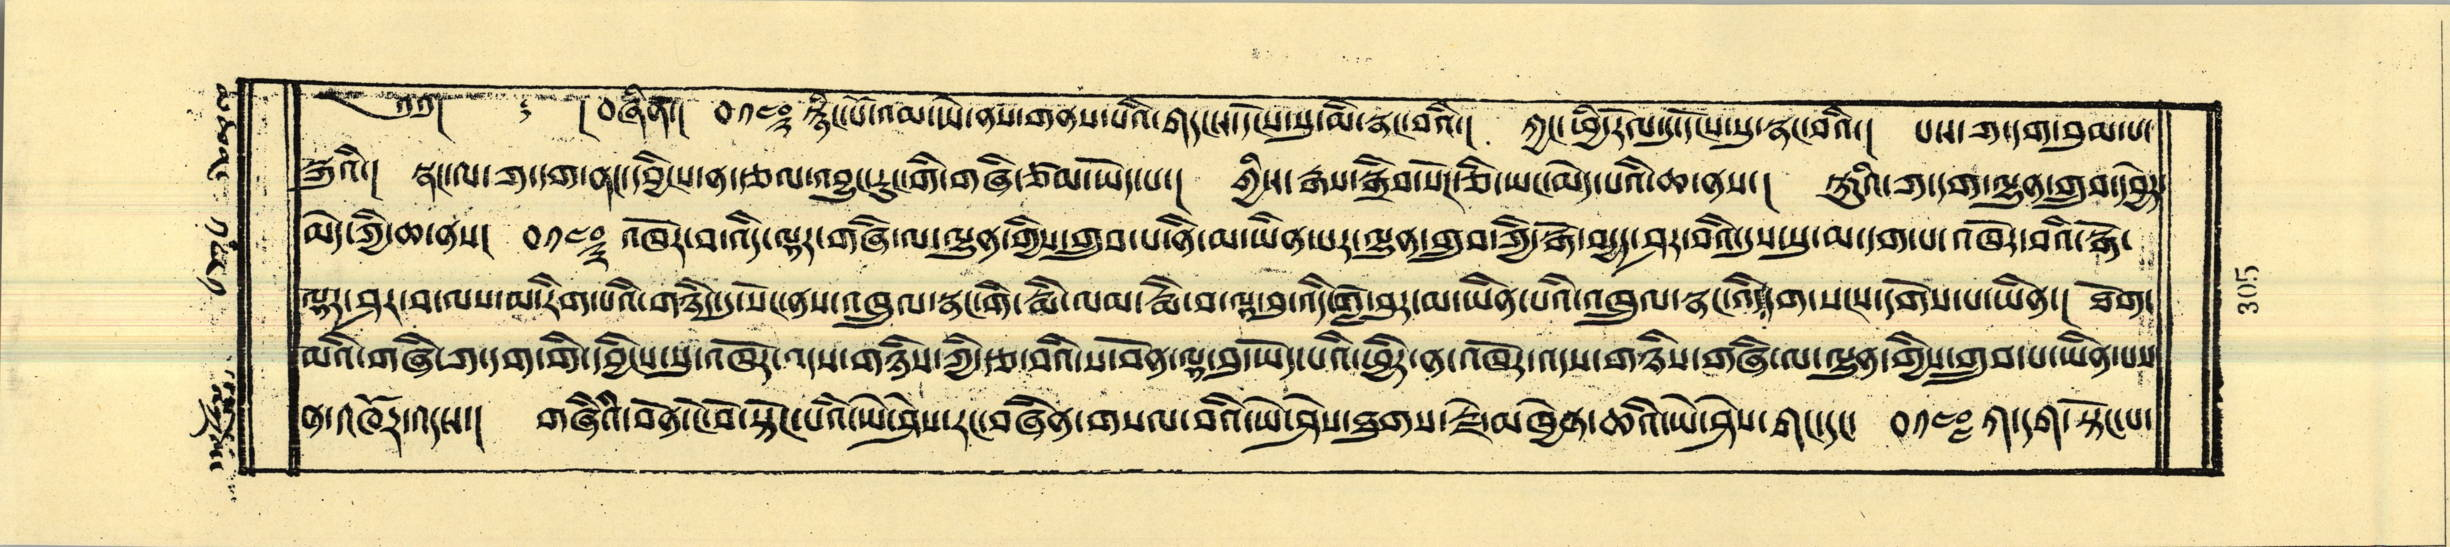༼བཞིན་༽བ༡༤༠།༢ ༼སྙིང་པོ་༽འམ་ ༼ཡེ་༽ནས་གནས་པའི་ ༼གདངས་༽དངོས་སུ་མི་སྣང་བའི། ༼ཀྱང་༽ཕྱི་རོལ་དུ་དངོས་སུ་སྣང་བའི། ༼པས་༽ཀ་དག་བུམ་པ་
སྐུའི། ༼སྣང་ལ་༽ཀ་དག་ནང་དབྱིངས་རྩལ་འབྱུང་རུང་གི་གཞི་ཙམ་ཡོད་པ། ༼གྱིས་༽རྒས་སྒྲིབ་སོགས་ཅི་ཡང་མེད་པའི་ཆ་ནས། ༼སྐུའི་༽ཀ་དག་ལྷུན་གྲུབ་དབྱེར་
མེད་ཀྱི་ཆ་ནས་བ༡༤༠།༣ འཁོར་བ་འདི་ལྟར་གཞི་ལ་ལྷུན་གྱིས་གྲུབ་པ་ནི་མ་ཡིན་པར་ལྷུན་གྲུབ་ཀྱི་སྒོ་བརྒྱད་ཤར་བའི་དུས་སུ་མ་དག་པ་འཁོར་བའི་སྒོ་
ལྟར་ཤར་བ་ལས་མ་རིག་པའི་གཉིད་དུ་སོང་ནས་འཁྲུལ་སྣང་གི་རྨི་ལམ་རྨི་བ་ལྟ་བུ་འདི་གློ་བུར་མ་ཡིན་པའི་འཁྲུལ་སྣང་འདི་དག་སངས་དགོས་པ་ཡིན། ཐོག་
མའི་གཞི་ཀ་དག་གི་དབྱིངས་སུ་འཁོར་འདས་གཉིས་ཀྱི་རྩ་བའི་ས་བོན་ལྟ་བུ་ཡོད་པའི་ཕྱིར་ན་འཁོར་འདས་གཉིས་གཞི་ལ་ལྷུན་གྱིས་གྲུབ་པ་ཡིན་པས་
ན་ ༼འཁོར་འདས་༽གཞིའི་བོན་ངོ་བོ་སྟོང་པའི་ཡེ་ཤེས་རང་བཞིན་གསལ་བའི་ཡེ་ཤེས་ཐུགས་རྗེ་མཁྱེན་ཆའི་ཡེ་ཤེས་ ༼གང་དང་༽བ༡༤༠།༤ སྟོང་པ་